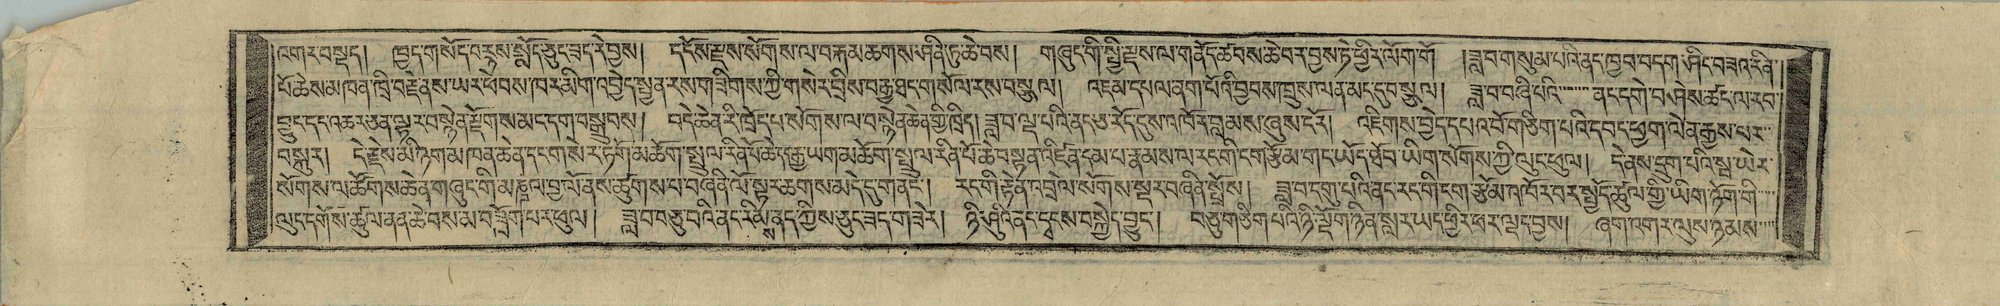འགར་བསྡད། ཁྱད་གསོད་བརྙས་སྨོད་ཅུང་ཟད་རེ་བྱས། དངོས་རྫས་སོགས་ལ་བརྐམ་ཆགས་ཤིན་ཏུ་ཆེ་བས། གཞུང་གི་སྤྱི་རྫས་ལ་གནོད་ཚབས་ཆེ་བར་བྱས་ཏེ་ཕྱིར་ལོག་གོ །ཟླ་བ་གསུམ་པའི་ནང་ཁྱབ་བདག་ཤིང་བཟའ་རིན་
པོ་ཆེས་མཁན་ཁྲི་བརྗེ་ནས་ཡར་ཕེབས་ཁར་མིག་འབྱེད་སྤྱན་རས་གཟིགས་ཀྱི་གསེར་བྲིས་བརྒྱ་ཐང་གསོལ་རས་བསྩལ། འཇམ་དཔལ་ནག་པོའི་བྱབས་ཁྲུས་ལན་མང་དུ་བསྩལ། ཟླ་བ་བཞི་པའི་ནང་དགེ་བཤེས་ཚང་ལ་རབ་
བྱུང་དང་འཆར་ཅན་ལྟར་བསྙེན་རྫོགས་མང་དག་བསྒྲུབས། བདེ་ཆེན་རི་ཁྲོད་པ་སོགས་ལ་བསྙེན་ཆེན་གྱི་ཁྲིད། ཟླ་བ་ལྔ་པའི་ནང་ཅ་རོད་དུས་འཁོར་བླ་མས་ཞུས་ངོར། འཇིགས་བྱེད་དཔའ་བོ་གཅིག་པའི་དབང་ཕྱག་ལེན་རྒྱས་པར་
བསྐུར། དེ་རྗེས་མི་ཉག་མཁན་ཆེན་དང་གསེར་ཏོག་མཆོག་སྤྲུལ་རིན་པོ་ཆེ་དང་རྒྱ་ཡག་མཆོག་སྤྲུལ་རིན་པོ་ཆེ་བསྟན་འཛིན་དམ་པ་རྣམས་ལ་རང་གི་ངག་རྩོམ་གང་ཡོད་ཐོབ་ཡིག་སོགས་ཀྱི་ལུང་ཕུལ། དེ་ནས་དྲུག་པའི་སྦ་ཡེར་
སོགས་ལ་ཚོགས་ཆེན་གཞུང་གི་མཎྜལ་བྱ་ལོ་ནས་ཚུགས་པ་བཞིན་ལོ་སྟར་ཆགས་མེད་དུ་གནང་། རང་གི་རྟེན་འབྲེལ་སོགས་སྔར་བཞིན་སྤྲོས། ཟླ་བ་དགུ་པའི་ནང་རང་གི་ངག་རྩོམ་འཁོར་བར་སྤྱོད་ཚུལ་གྱི་ཡིག་ཉོག་གི་
ལུང་དགོས་ཚུལ་ནན་ཆེ་བསམ་བཟློག་པར་ཕུལ། ཟླ་བ་བཅུ་པའི་ནང་རིམས་ནད་ཀྱིས་ཅུང་ཟད་གཟེར། ཉི་ཤུའི་ནང་དྭངས་བསྐྱེད་བྱུང་། བཅུ་གཅིག་པའི་ཉི་ལྡོག་ཉིན་སླར་ཡང་ཕྱིར་ཕར་ལྡང་བྱས། ཞག་འགར་ལུས་ཉམས་